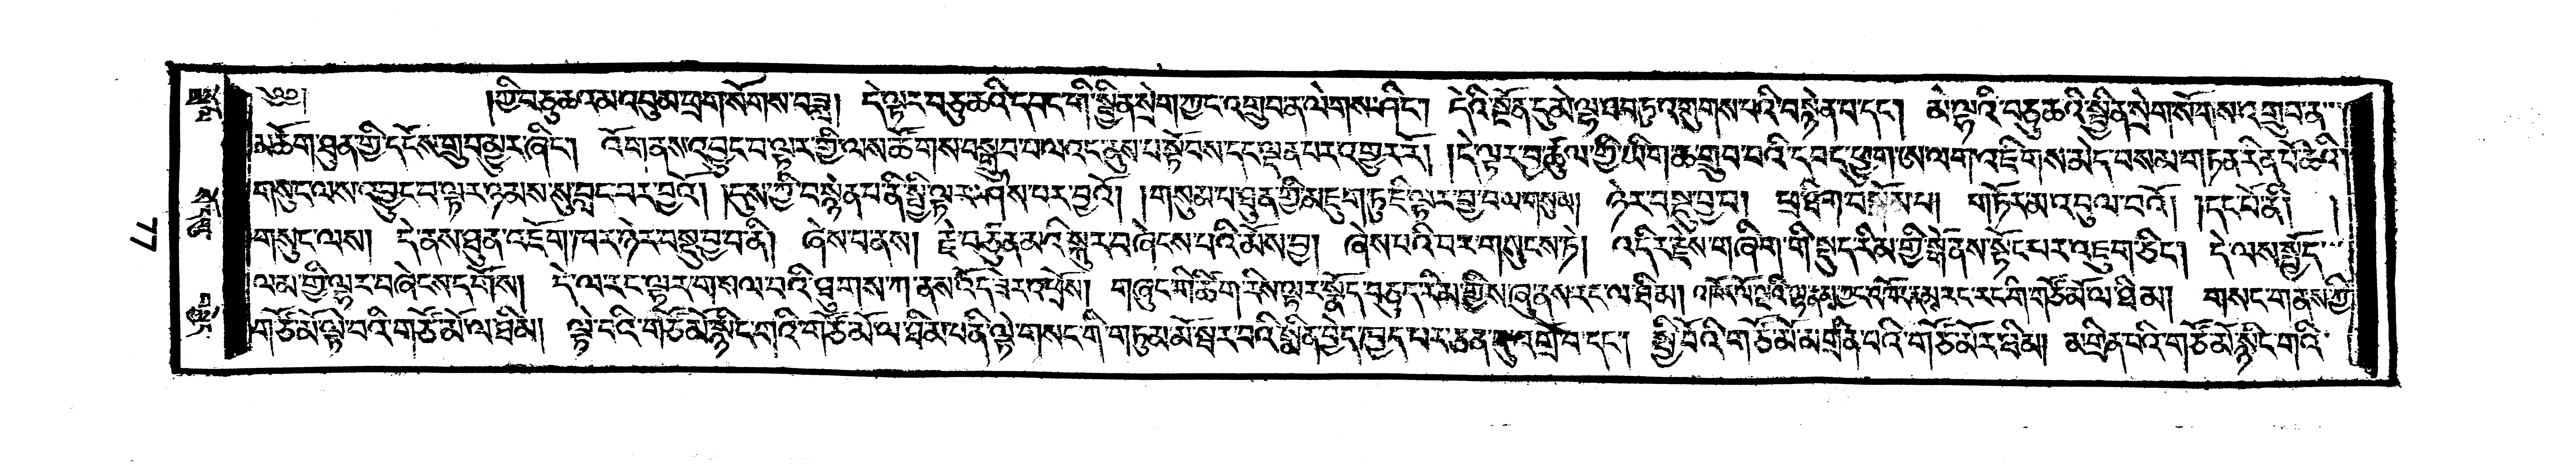༄༅། །ཀྱི་བཅུ་ཆའམ་འབུམ་ཕྲག་སོགས་བཟླ། དེ་ལྟར་བཅུ་ཆའི་དབང་གི་སྦྱིན་སྲེག་ཀྱང་འགྲུབ་ན་ལེགས་ཤིང་། དེའི་སྔོན་དུ་མེ་ལྷ་ཐབ་ཏུ་འགུགས་པའི་བསྙེན་པ་དང་། མེ་ལྷའི་བཅུ་ཆའི་སྦྱིན་སྲེག་སོགས་འགྲུབ་ན་
མཆོག་ཐུན་གྱི་དངོས་གྲུབ་མྱུར་ཞིང་། འོག་ནས་འབྱུང་བ་ལྟར་གྱི་ལས་ཚོགས་བསྒྲུབ་པ་ལའང་ནུས་པ་སྟོབས་དང་ལྡན་པར་འགྱུར་རེ། །དེ་ལྟར་བྱ་ཚུལ་གྱི་ཡིག་ཆ་གྲུབ་པའི་དབང་ཕྱུག་ཨ་ལག་འཇིགས་མེད་བསམ་གཏན་རིན་པོ་ཆེའི་
གསུང་ལས་འབྱུང་བ་ལྟར་ཉམས་སུ་བླང་བར་བྱའོ། །དུས་ཀྱི་བསྙེན་པ་ནི་སྤྱི་ལྟར་ཤེས་པར་བྱའོ། །གསུམ་པ་ཐུན་གྱི་མཇུག་ཏུ་ཇི་ལྟར་བྱ་བ་ལ་གསུམ། ཉེར་བསྡུ་བྱ་བ། ཕྲ་ཐིག་བསྒོམ་པ། གཏོར་མ་འབུལ་བའོ། །དང་པོ་ནི། །
གསུང་ལས། དེ་ནས་ཐུན་འཇོག་ཁར་ཉེར་བསྡུ་བྱ་བ་ནི། ཞེས་པ་ནས། རྗེ་བཙུན་མའི་སྐུར་བཞེངས་པའི་མོས་པ་བྱ། ཞེས་པའི་བར་གསུངས་ཏེ། འདིར་རྗེས་གཞིག་གི་སྡུད་རིམ་གྱི་སྒོ་ནས་སྟོང་པར་འཇུག་ཅིང་། དེ་ལས་སྤྱོད་
ལམ་གྱི་ལྷར་བཞེངས་དགོས། དེ་ལ་རང་ལྷར་གསལ་བའི་ཐུགས་ཀ་ནས་འོད་ཟེར་འཕྲོས། གཞུང་གི་ཚིག་རིས་ལྟར་སྣོད་བཅུད་རིམ་གྱིས་ཞུ་ནས་རང་ལ་ཐིམ། འཁོར་ལོ་ལྔའི་ལྷ་རྣམས་ཀྱང་འཁོར་རྣམས་རང་རང་གི་གཙོ་མོའི་ཐིམ་གསང་གནས་ཀྱི་
གཙོ་མོ་ལྟེ་བའི་གཙོ་མོ་ལ་ཐིམ། ལྟེ་བའི་གཙོ་མོ་སྙིང་གའི་གཙོ་མོ་ལ་ཐིམ་པ་ནི་ལྟེ་གསང་གི་གཏུམ་མོ་སྦར་བའི་སྨིན་བྱེད་ཁྱད་པར་ཅན་དུ་འགྲོ་བ་དང་། སྤྱི་བོའི་གཙོ་མོ་མགྲིན་པའི་གཙོ་མོར་ཐིམ། མགྲིན་པའི་གཙོ་མོ་སྙིང་གའི་